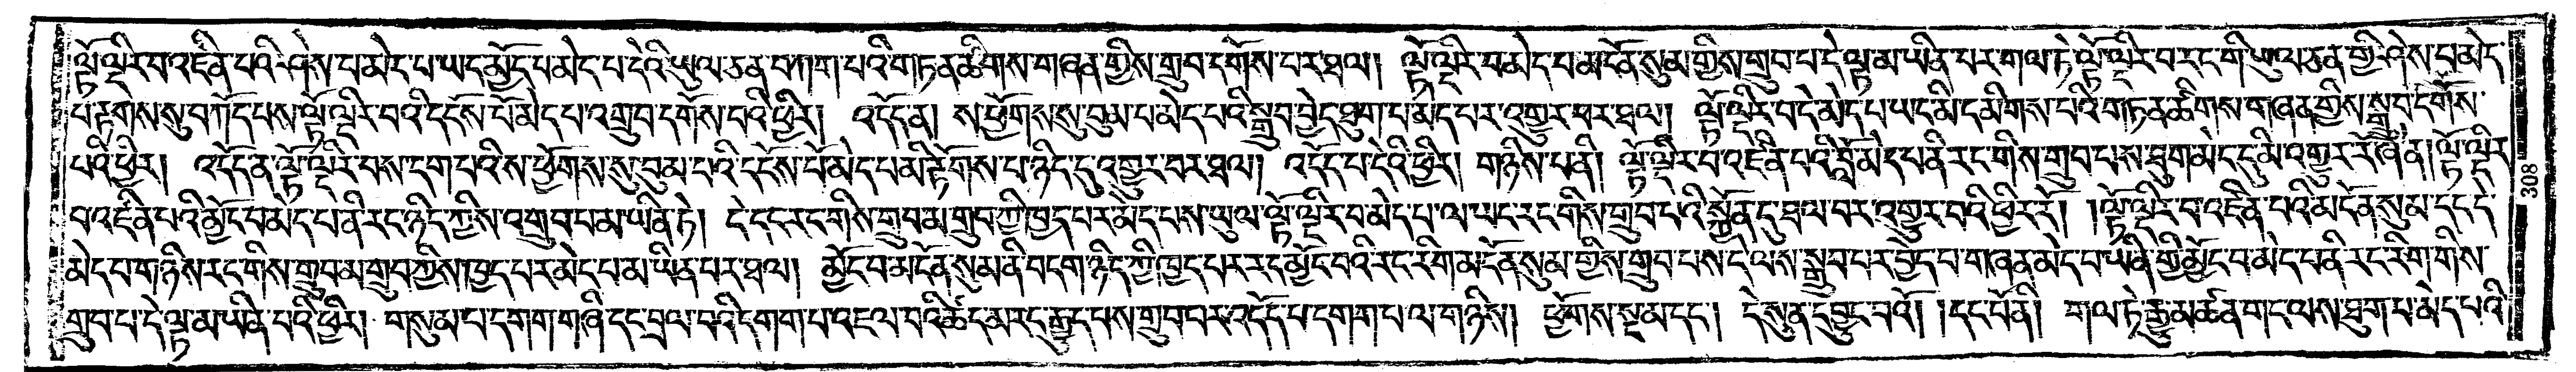ལྟོ་ལྡིར་བ་འཛིན་པའི་ཤེས་པ་མེད་པ་ཡང་མྱོང་བ་མེད་པ་དེའི་ཡུལ་ཅན་བཀག་པའི་གཏན་ཚིགས་གཞན་གྱིས་གྲུབ་དགོས་པར་ཐལ། ལྟོ་ལྡིར་བ་མེད་པ་མངོན་སུམ་གྱིས་གྲུབ་པ་དེ་ལྟ་མ་ཡིན་པར་གལ་ཏེ་ལྟོ་ལྡིར་བ་རང་གི་ཡུལ་ཅན་གྱི་ཤེས་པ་མེད་
པ་རྟགས་སུ་བཀོད་པས་ལྟོ་ལྡིར་བའི་དངོས་པོ་མེད་པ་འགྲུབ་དགོས་པའི་ཕྱིར་འདོད་ན། ས་ཕྱོགས་སུ་བུམ་པ་མེད་པའི་སྒྲུབ་བྱེད་ཐུག་པ་མེད་པར་འགྱུར་ཕར་ཐལ། ལྟོ་ལྡིར་བ་དེ་མེད་པ་ཡང་མི་དམིགས་པའི་གཏན་ཚིགས་གཞན་གྱིས་སྒྲུབ་དགོས་
པའི་ཕྱིར། འདོད་ན་ལྟོ་ལྡིར་བས་དག་པའི་ས་ཕྱོགས་སུ་བུམ་པའི་དངོས་པོ་མེད་པ་མི་རྟོགས་པ་ཉིད་དུ་འགྱུར་བར་ཐལ། འདོད་པ་དེའི་ཕྱིར། གཉིས་པ་ནི། ལྟོ་ལྡིར་བ་འཛིན་པའི་བློ་མེད་པ་ནི་རང་གིས་གྲུབ་པས་ཐུག་མེད་དུ་མི་འགྱུར་རོ་ཞེ་ན། །ལྟོ་ལྡིར་
པ་འཛིན་པའི་མྱོང་བ་མེད་པ་ནི་རང་ཉིད་ཀྱིས་འགྲུབ་པ་མ་ཡིན་ཏེ། དེ་དང་རང་གིས་གྲུབ་མ་གྲུབ་ཀྱི་ཁྱད་པར་མེད་པས་ཡུལ་ལྟོ་ལྡིར་བ་མེད་པ་ལ་ཡང་རང་གིས་གྲུབ་པའི་སྐྱོན་དུ་ཐལ་བར་འགྱུར་བའི་ཕྱིར་རོ། །ལྟོ་ལྡིར་བ་འཛིན་པའི་མངོན་སུམ་དང་དེ་
མེད་པ་གཉིས་རང་གིས་གྲུབ་མ་གྲུབ་ཀྱིས་ཁྱད་པར་མེད་པ་མ་ཡིན་པར་ཐལ། མྱོང་བ་མངོན་སུམ་ནི་བདག་ཉིད་ཀྱི་ཁྱད་པར་རང་མྱོང་བའི་རང་རིག་མངོན་སུམ་གྱིས་གྲུབ་པས་དེ་ལས་སྒྲུབ་པར་བྱེད་པ་གཞན་མེད་པ་ཡིན་གྱི་མྱོང་བ་མེད་པ་ནི་རང་རིགས་གིས་
གྲུབ་པ་དེ་ལྟ་མ་ཡིན་པའི་ཕྱིར། གསུམ་པ་དགག་གཞི་དང་བྲལ་བའི་དགག་པ་འཇལ་བའི་ཚད་མ་རང་རྒྱུད་པས་གྲུབ་པར་འདོད་པ་དགག་པ་ལ་གཉིས། ཕྱོགས་སྔ་མ་དང་། དེ་སུ་ན་དབྱུང་བའོ། །དང་པོ་ནི། གལ་ཏེ་རྒྱུ་མཚན་གང་ལས་ཐུག་པ་མེད་པའི་